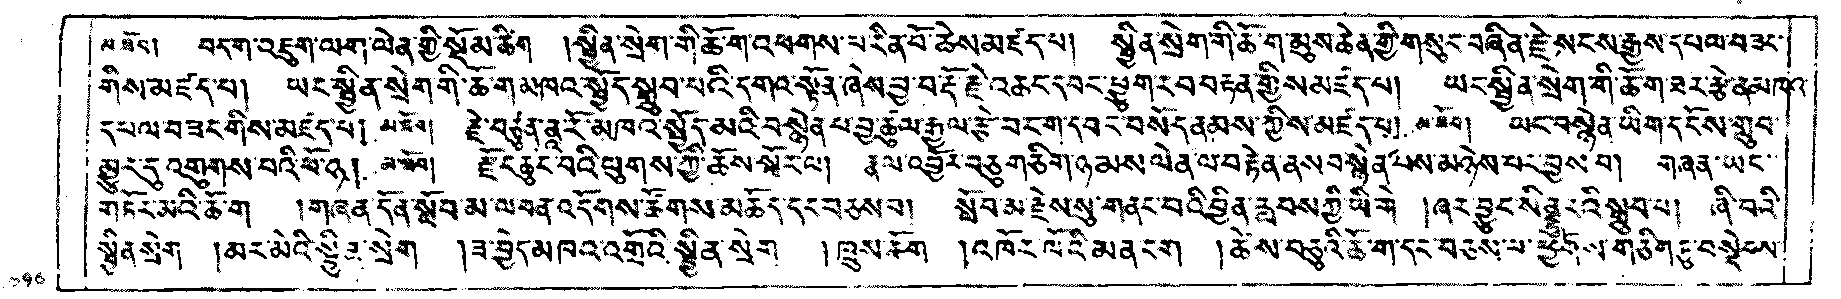མ་ཐོབ།  བདག་འཇུག་ལག་ལེན་གྱི་སྡོམ་ཚིག །སྦྱིན་སྲེག་གི་ཆོ་ག་འཕགས་པ་རིན་པོ་ཆེས་མཛད་པ། སྦྱིན་སྲེག་གི་ཆོ་ག་མུས་ཆེན་གྱི་གསུང་བཞིན་རྗེ་སངས་རྒྱས་དཔལ་བཟང་
གིས་མཛད་པ། ཡང་སྦྱིན་སྲེག་གི་ཆོ་ག་མཁའ་སྤྱོད་སྒྲུབ་པའི་དགའ་སྟོན་ཞེས་བྱ་བ་རྡོ་རྗེ་འཆང་དབང་ཕྱུག་རབ་བརྟན་གྱིས་མཛད་པ། ཡང་སྦྱིན་སྲེག་གི་ཆོ་ག་ཐར་རྩེ་ནམ་མཁའ་
དཔལ་བཟང་གིས་མཛད་པ། མ་ཐོབ།  རྗེ་བཙུན་ནཱ་རོ་མཁའ་སྤྱོད་མའི་བསྙེན་པ་བྱ་ཚུལ་རྒྱལ་རྩེ་བ་ངག་དབང་བསོད་ནམས་ཀྱི་ས་མཛད་པ། མ་ཐོབ།  ཡང་བསྙེན་ཡིག་དངོས་གྲུབ་
མྱུར་དུ་འགུགས་པའི་ཕོ་ཉ། མ་ཐོབ།  རྫོང་ཆུང་བའི་ལུགས་ཀྱི་ཆོས་སྐོར་ལ། རྣལ་འབྱོར་བཅུ་གཅིག་ཉམས་ལེན་ལ་བརྟེན་ནས་བསྙེན་པས་མཉེས་པར་བྱས་པ། གཞན་ཡང་
གཏོར་མའི་ཆོ་ག །གཞན་དོན་སློབ་མ་ལ་ཕན་འདོགས་ཚོགས་མཆོད་དང་བཅས་པ། སློབ་མ་རྗེས་སུ་གནང་བའི་བྱིན་རླབས་ཀྱི་ཡི་གེ །ཞར་བྱུང་སིནྡྷུ་རའི་སྒྲུབ་པ། ཞི་བའི་
སྦྱིན་སྲེག །མར་མེའི་སྦྱིན་སྲེག །ཟ་བྱེད་མཁའ་འགྲོའི་སྦྱིན་སྲེག །ཁྲུས་ཆོག །འཁོར་ལོའི་མན་ངག །ཚེས་བཅུའི་ཆོ་ག་དང་བཅས་པ་ཕྱོགས་གཅིག་ཏུ་བསྡེབས་